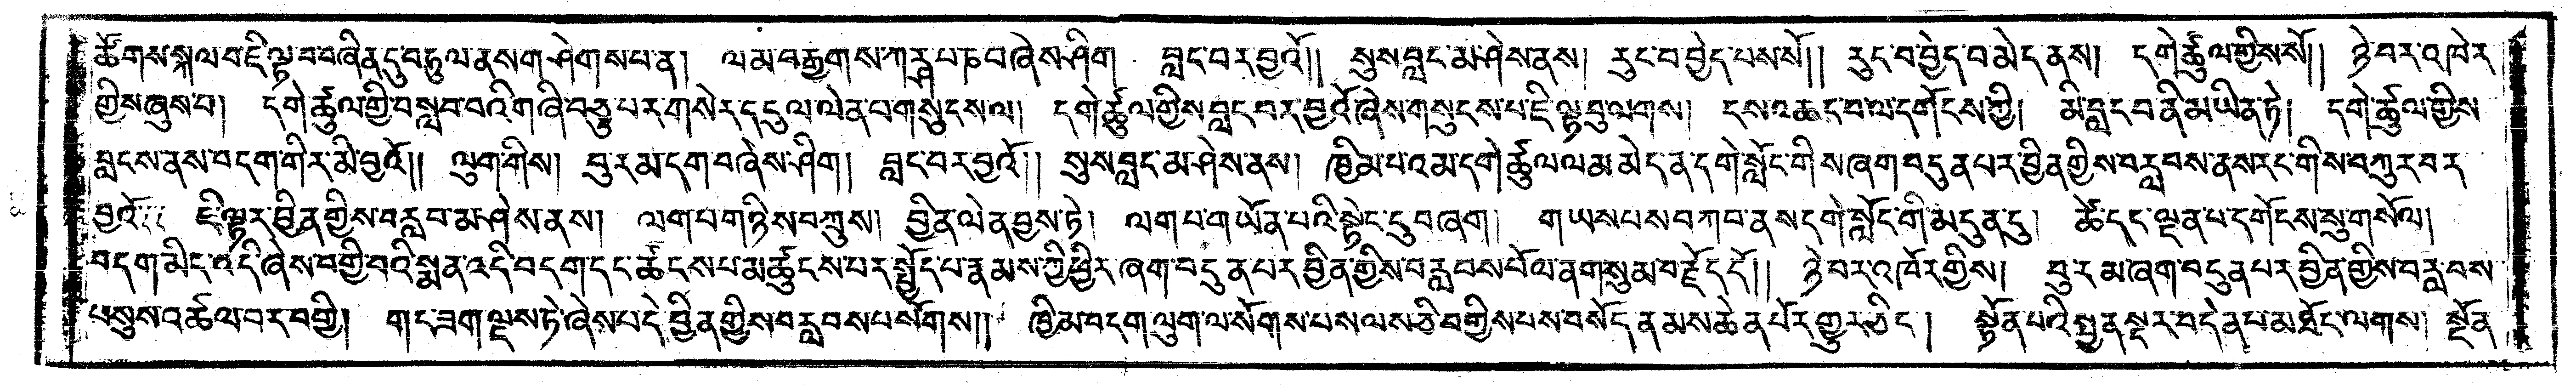ཚོགས་སྐལ་བ་ཇི་ལྟ་བ་བཞིན་དུ་བཏུལ་ནས་གཤེགས་པ་ན། ལམ་བརྒྱགས་ཀརྴ་པ་ཎ་བཞེས་ཤིག་བླང་བར་བྱའོ།། སུས་བླང་མ་ཤེས་ནས། རུང་བ་བྱེད་པས་སོ།། རུང་བ་བྱེད་བ་མེད་ནས། དགེ་ཚུལ་གྱིས་སོ།། ཉེ་བར་འཁེར་
གྱིས་ཞུས་པ། དགེ་ཚུལ་གྱི་བསླབ་བའི་གཞི་བཅུ་པར་གསེར་དངུལ་ལེན་པ་གསུངས་ལ། དགེ་ཚུལ་གྱིས་བླང་བར་བྱའོ་ཞེས་གསུངས་པ་ཇི་ལྟ་བུ་ལགས། ངས་འཆང་བ་ལ་དགོངས་ཀྱི། མི་བླང་བ་ནི་མ་ཡིན་ཏེ། དགེ་ཚུལ་གྱིས་
བླངས་ནས་བདག་གིར་མི་བྱའོ།། ལུག་གིས། བུ་རམ་དག་བཞེས་ཤིག། བླང་བར་བྱའོ།། སུས་བླང་མ་ཤེས་ནས། ཁྱིམ་པ་འམ་དགེ་ཚུལ་ལམ་མེད་ན་དགེ་སློང་གིས་ཞག་བདུན་པར་བྱིན་གྱིས་བརླབས་ནས་རང་གིས་བཀུར་བར་
བྱའོ༑༑ ཇི་ལྟར་བྱིན་གྱིས་བརླབ་མ་ཤེས་ནས། ལག་པ་གཉིས་བཀྲུས། བྱིན་ལེན་བྱས་ཏེ། ལག་པ་གཡོན་པའི་སྟེང་དུ་བཞག། གཡས་པས་བཀབ་ནས་དགེ་སློང་གི་མདུན་དུ། ཚེ་དང་ལྡན་པ་དགོངས་སུ་གསོལ།
བདག་མིང་འདི་ཞེས་བ་གྱི་བའི་སྨན་འདི་བདག་དང་ཚངས་པ་མཚུངས་པར་སྤྱོད་པ་རྣམས་ཀྱི་ཕྱིར་ཞག་བདུན་པར་བྱིན་གྱིས་བརླབས་པོ་ལ་ན་གསུམ་བརྗོད་དོ།། ཉེ་བར་འཁོར་གྱིས། བུ་རམ་ཞག་བདུན་པར་བྱིན་གྱིས་བརླབས་
པ་སུས་འཚལ་བར་བགྱི། གང་ཟག་ལྔས་ཏེ་ཞེས་པ་དེ་བྱིན་གྱིས་བརླབས་པ་སོགས།། ཁྱིམ་བདག་ལུག་ལ་སོགས་པས་ལས་ཅི་བགྱིས་པས་བསོད་ནམས་ཆེན་པོར་གྱུར་ཅིང་། སྟོན་པའི་སྤྱན་སྔར་བདེན་པ་མཐོང་ལགས། སྔོན་